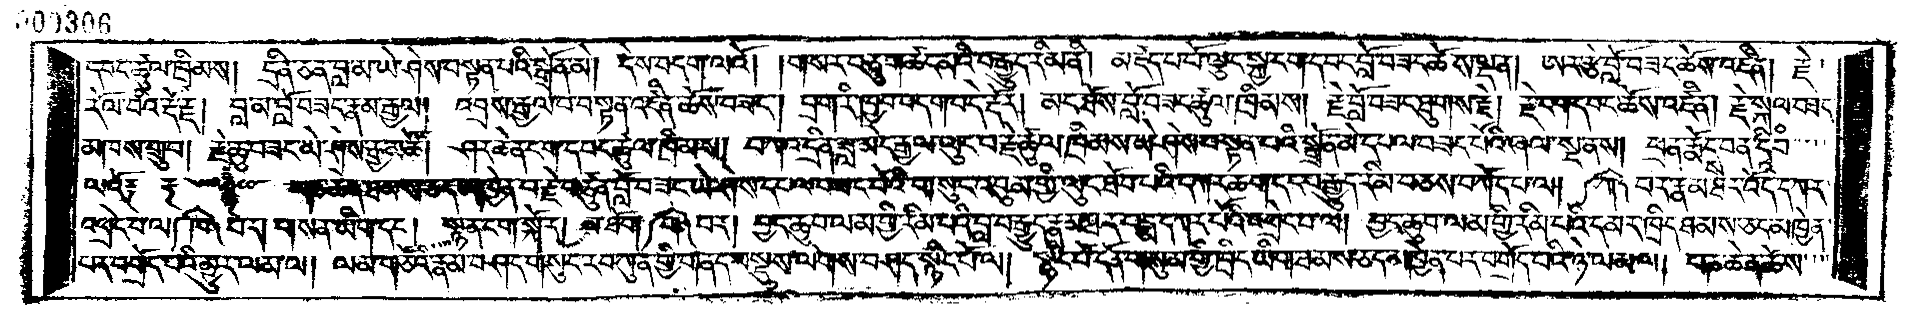དབང་ཚུལ་ཁྲིམས། དྲིན་ཅན་བླ་མ་ཡེ་ཤེས་བསྟན་པའི་སྒྲོན་མེ། དེས་བདག་ལའོ། །གསར་བཅུག་ཚང་མའི་བརྒྱུད་རིམ་ནི། མཛད་པ་པོ་ལྕང་སྐྱ་ངག་དབང་བློ་བཟང་ཆོས་ལྡན། ཨར་རྩེ་བློ་བཟང་ཆོས་འཛིན། རྗེ་
རོལ་བའི་རྡོ་རྗེ། བླ་མ་བློ་བཟང་རྣམ་རྒྱལ། འབྲས་རྒྱལ་བ་བསྟན་འཛིན་ཆོས་བཟང་། བྲག་རི་ཁྱབ་བདག་བདེ་རྡོར། མང་ཐོས་བློ་བཟང་ཚུལ་ཁྲིམས། རྗེ་བློ་བཟང་ཐུགས་རྗེ། རྗེ་ངག་དབང་ཆོས་འཛིན། རྗེ་སྐལ་བཟང་
མཁས་གྲུབ། རྗེ་ཆུ་བཟང་ཡེ་ཤེས་རྒྱ་མཚོ། ཤར་ཆེན་ངག་དབང་ཚུལ་ཁྲིམས། བཀའ་དྲིན་ཟླ་མེ་ང་རྒྱལ་ལུང་བ་རྗེ་ཚུལ་ཁྲིམས་ཡེ་ཤེས་བསྟན་པའི་སྒྲོན་མེ་དཔལ་བཟང་པོའི་ཞལ་སྔ་ནས། ཕྲན་རྨོངས་བན་དཱི་བཾ་
ལའོ༑ ༑ ༈ པཎ་ཆེན་ཐམས་ཅད་མཁྱེན་པ་རྗེ་བཙུན་བློ་བཟང་ཡེ་ཤེས་དཔལ་བཟང་པོའི་གསུང་འབུམ་གྱི་ལུང་ཐོབ་པའི་དཀར་ཆག་དང་བརྒྱུད་རིམ་བཅས་བཀོད་པ་ལ། ༼ཀ༽ བར་རྣམ་ཐར་འོད་དཀར་
འཕྲེང་བ་ལ ༼ཁ༽ པར། གསན་ཡིག་དང་། སྙན་ངག་སྐོར། མ་ཐོབ།  ༼ག༽ པར། བྱང་ཆུབ་ལམ་གྱི་རིམ་པའི་བླ་བརྒྱུད་རྣམ་ཐར་པདམ་དཀར་པོའི་འཕྲེང་བ་ལ། བྱང་ཆུབ་ལམ་གྱི་རིམ་པའི་དམར་ཁྲིད་ཐམས་ཅད་མཁྱེན་
པར་བགྲོད་པའི་མྱུར་ལམ་ལ། ལམ་གཙོའི་རྣམ་བཤད་གསུང་རབ་ཀུན་གྱི་གནད་བསྡུས་ལེགས་བཤད་སྙིང་པོ་ལ། སྙིང་པོ་དོན་གསུམ་གྱི་ཁྲིད་ཡིག་ཐམས་ཅད་མཁྱེན་པར་བགྲོད་པའི་ཉེ་ལམ་ལ། པཎ་ཆེན་ཆོས་